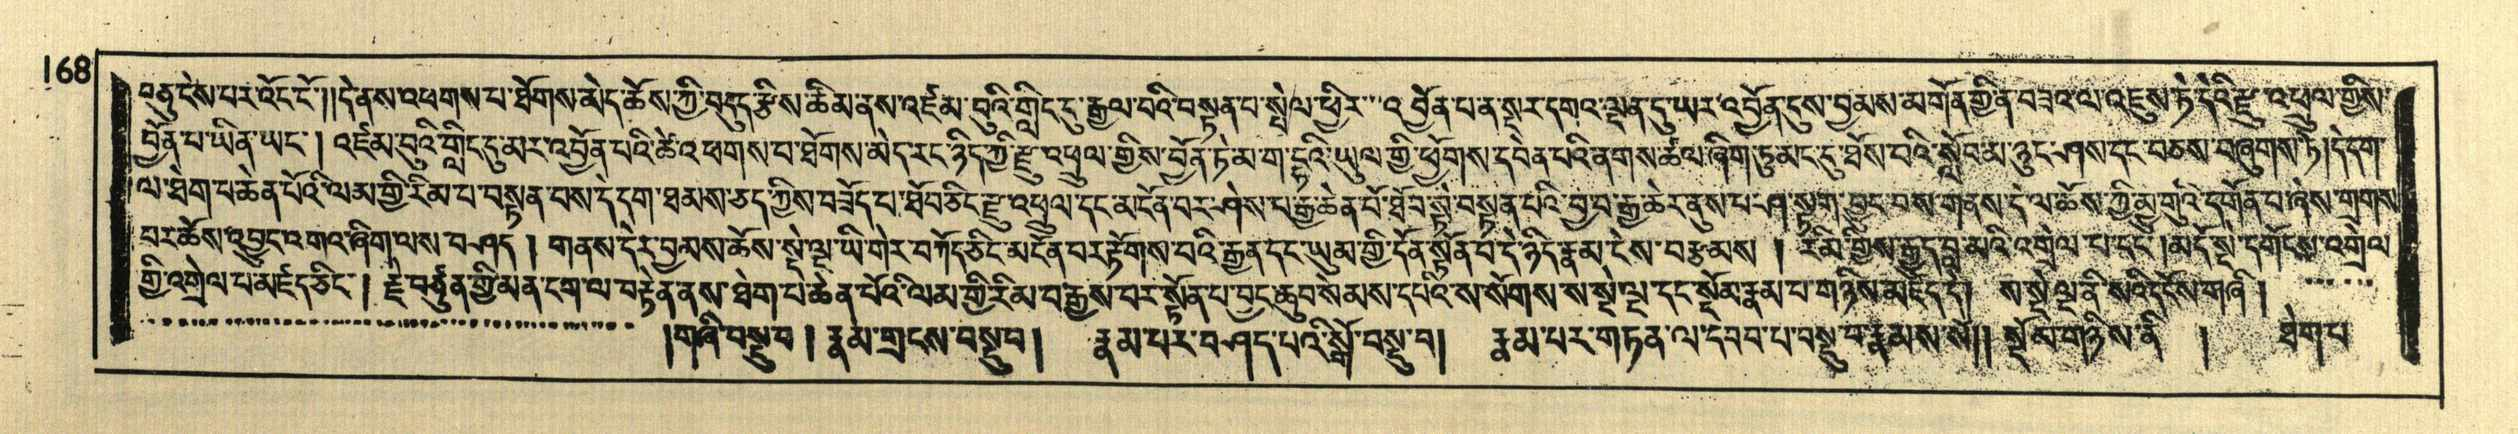བཅུ་ངེས་པར་འོང་ངོ། །དེ་ནས་འཕགས་པ་ཐོགས་མེད་ཆོས་ཀྱི་བདུད་རྩིས་ཆིམ་ནས་འཛམ་བུའི་གླིང་དུ་རྒྱལ་བའི་བསྟན་པ་སྤེལ་ཕྱིར་འབྱོན་པ་ན་སྔར་དགའ་ལྡན་དུ་ཡར་འབྱོན་དུས་བྱམས་མགོན་གྱི་ན་བཟའ་ལ་འཇུས་ཏེ་དེའི་རྫུ་འཕྲུལ་གྱིས་
བྱོན་པ་ཡིན་ཡང་། འཛམ་བུའི་གླིང་དུ་མར་འབྱོན་པའི་ཚེ་འཕགས་པ་ཐོགས་མེད་རང་ཉིད་ཀྱི་རྫུ་འཕྲུལ་གྱིས་བྱོན་ཏེ་མ་ག་དྷའི་ཡུལ་གྱི་ཕྱོགས་དབེན་པའི་ནགས་ཚལ་ཞིག་ཏུ་མང་དུ་ཐོས་བའི་སློབ་མ་ཉུང་ཤས་དང་བཅས་བཞུགས་ཏེ་།དེ་དག་
ལ་ཐེག་པ་ཆེན་པོའི་ལམ་གྱི་རིམ་པ་བསྟན་པས་དེ་དག་ཐམས་ཅད་ཀྱིས་བཟོད་པ་ཐོབ་ཅིང་རྫུ་འཕྲུལ་དང་མངོན་བར་ཤེས་པ་རྒྱ་ཆེན་པོ་ཐོབ་སྟེ་བསྟན་པའི་བྱ་བ་རྒྱ་ཆེར་ནུས་པ་ཤ་སྟག་བྱུང་བས་གནས་དེ་ལ་ཆོས་ཀྱི་མྱུ་གུའི་དགོན་བ་ཞེས་གྲགས་
པར་ཆོས་འབྱུང་འགའ་ཞིག་ལས་བཤད། གནས་དེར་བྱམས་ཆོས་སྡེ་ལྔ་ཡི་གེར་བཀོད་ཅིང་མངོན་བར་རྟོགས་བའི་རྒྱན་དང་ཡུམ་གྱི་དོན་སྟོན་བ་དེ་ཉིད་རྣམ་ངེས་བརྩམས། རིམ་གྱིས་རྒྱུད་བླ་མའི་འགྲེལ་པ་དང་། མདོ་སྡེ་དགོངས་འགྲེལ་
གྱི་འགྲེལ་པ་མཛད་ཅིང་། རྗེ་བཙུན་གྱི་མན་ངག་ལ་བརྟེན་ནས་ཐེག་པ་ཆེན་པོའི་ལམ་གྱི་རིམ་བ་རྒྱས་བར་སྟོན་པ་བྱང་ཆུབ་སེམས་དཔའི་ས་སོགས་ས་སྡེ་ལྔ་དང་སྡོམ་རྣམ་པ་གཉིས་མཛད་དེ། ས་སྡེ་ལྔ་ནི་སའི་དངོས་གཞི།
།གཞི་བསྡུ་བ། རྣམ་གྲངས་བསྡུབ། རྣམ་པར་བཤད་པའི་སྒོ་བསྡུ་བ། རྣམ་པར་གཏན་ལ་དབབ་པ་བསྡུ་བ་རྣམས་སོ། །སྡོམ་གཉིས་ནི། ཐེག་པ་